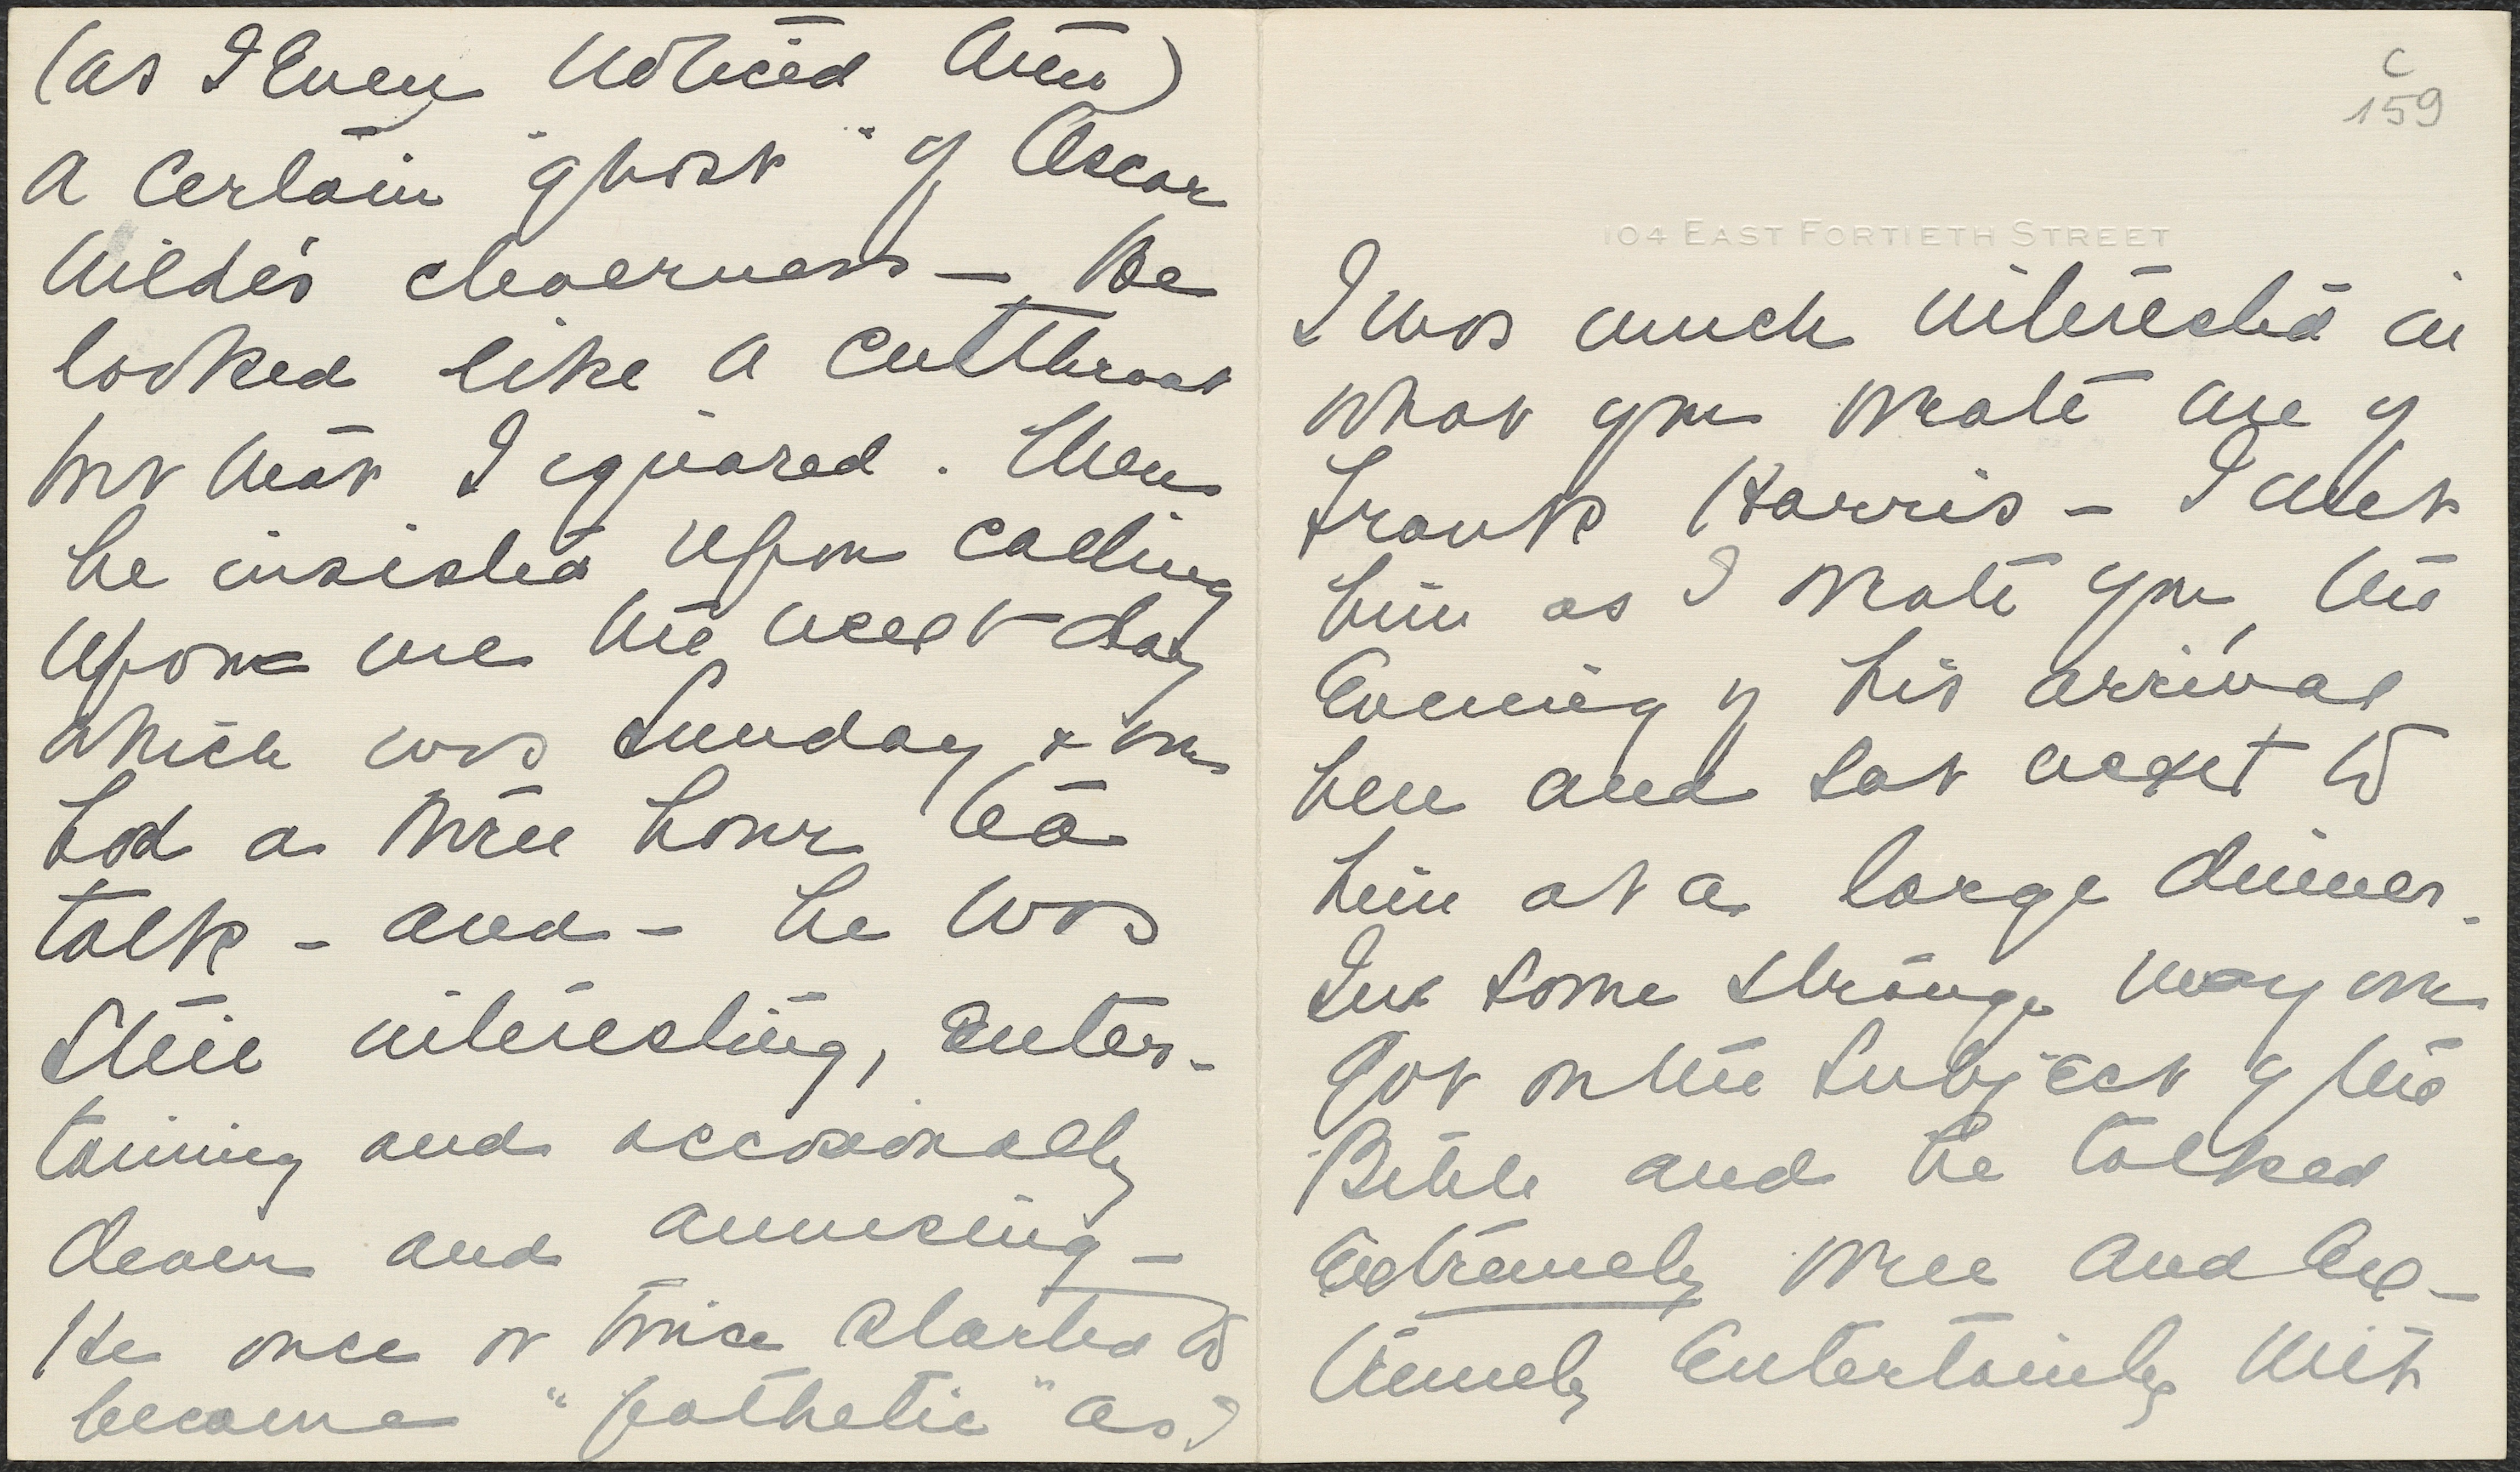I was much interested in what you wrote me of Frank Harris – I met him as I wrote you, the evening of his arrival here and sat next to him at a large dinner. In some strange way we got on the subject of the Bible and he talked extremely well and extremely entertainly with
(as I even noticed then) a certain “ghost” of Oscar Wilde’s cleverness – He looked like a cutthroat but that I ignored. Then he insisted upon calling upon me the next day which was Sunday & we had a three hour tea talk – and – he was still interesting, entertaining and occasionally clever and amusing – He once or twice started to become “pathetic” as I